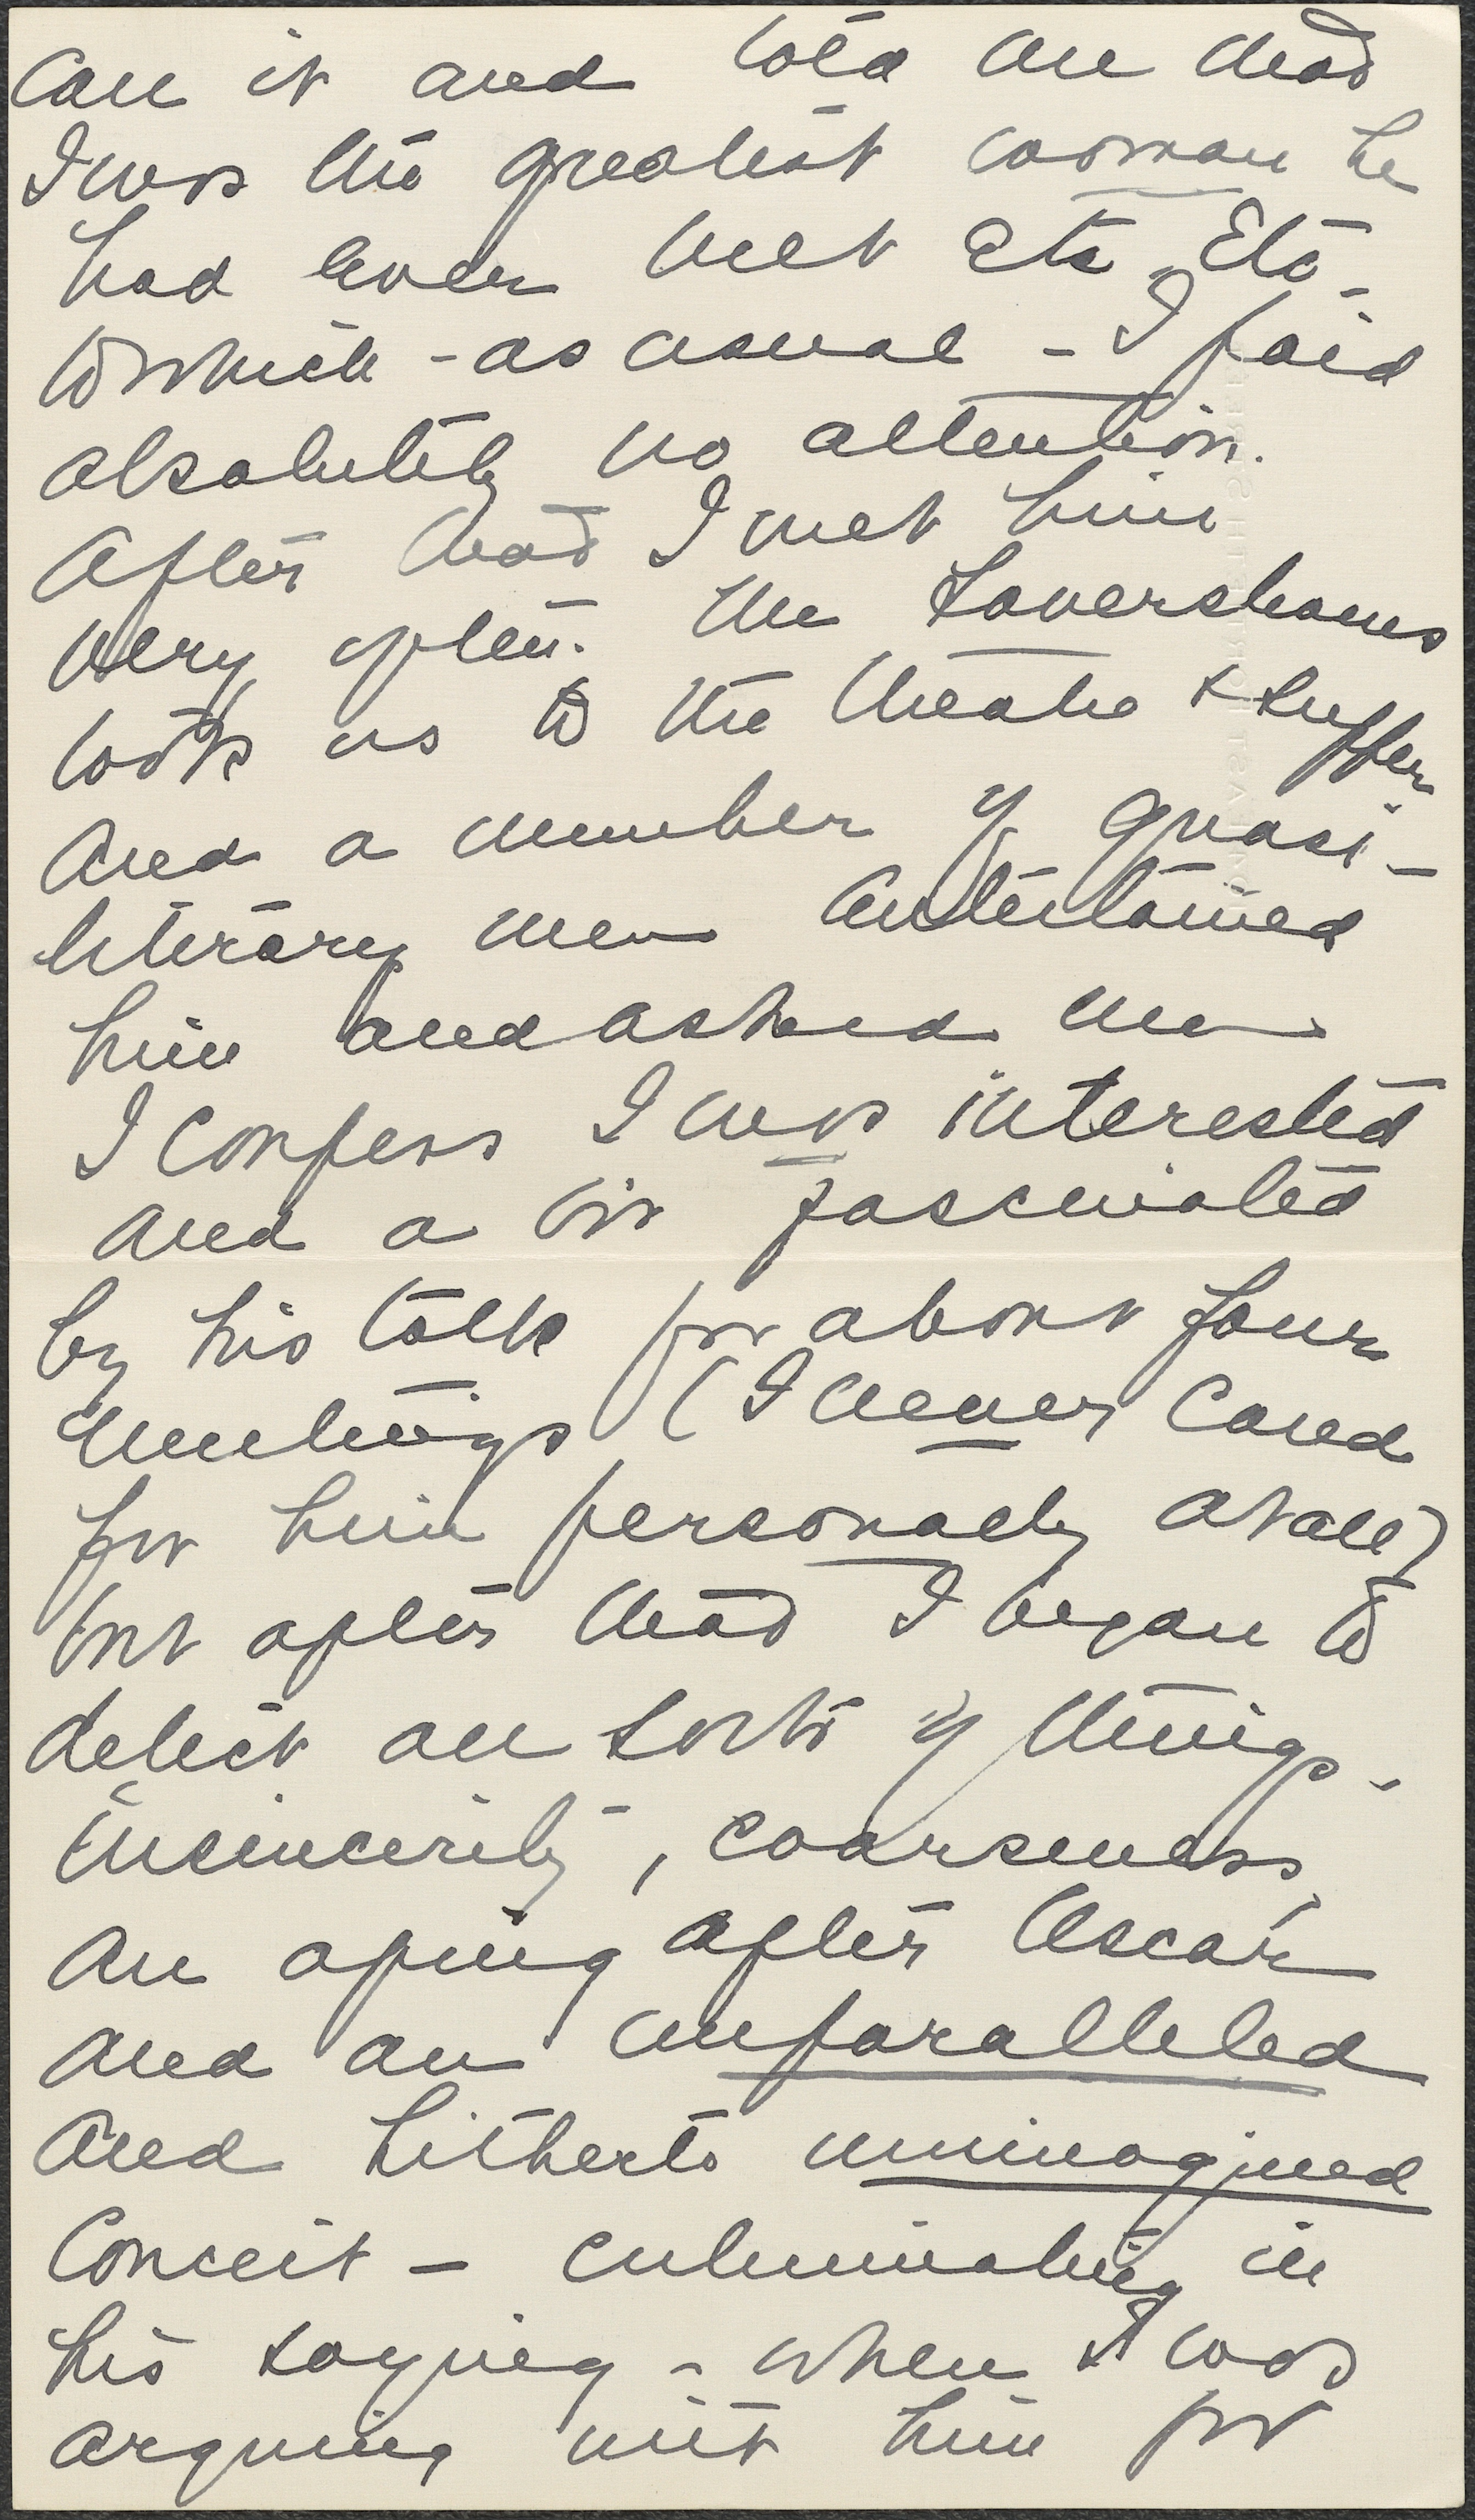call it and told me that I was the greatest woman he had ever met etc etc, to which – as usual – I paid absolutely no attention. After that I met him very often. The Favershams took us to the threatre & supper and a number of quasi-literary men entertained him and asked me – I confess I was interested and a bit fascinated by his talk for about four meetings (I never cared for him personally at all) but after that I began to detect all sorts of things – insincerity, coarseness, an aping after Oscar and an unparalleled and hitherto unimagined conceit – culminating in his saying – when I was arguing with him for